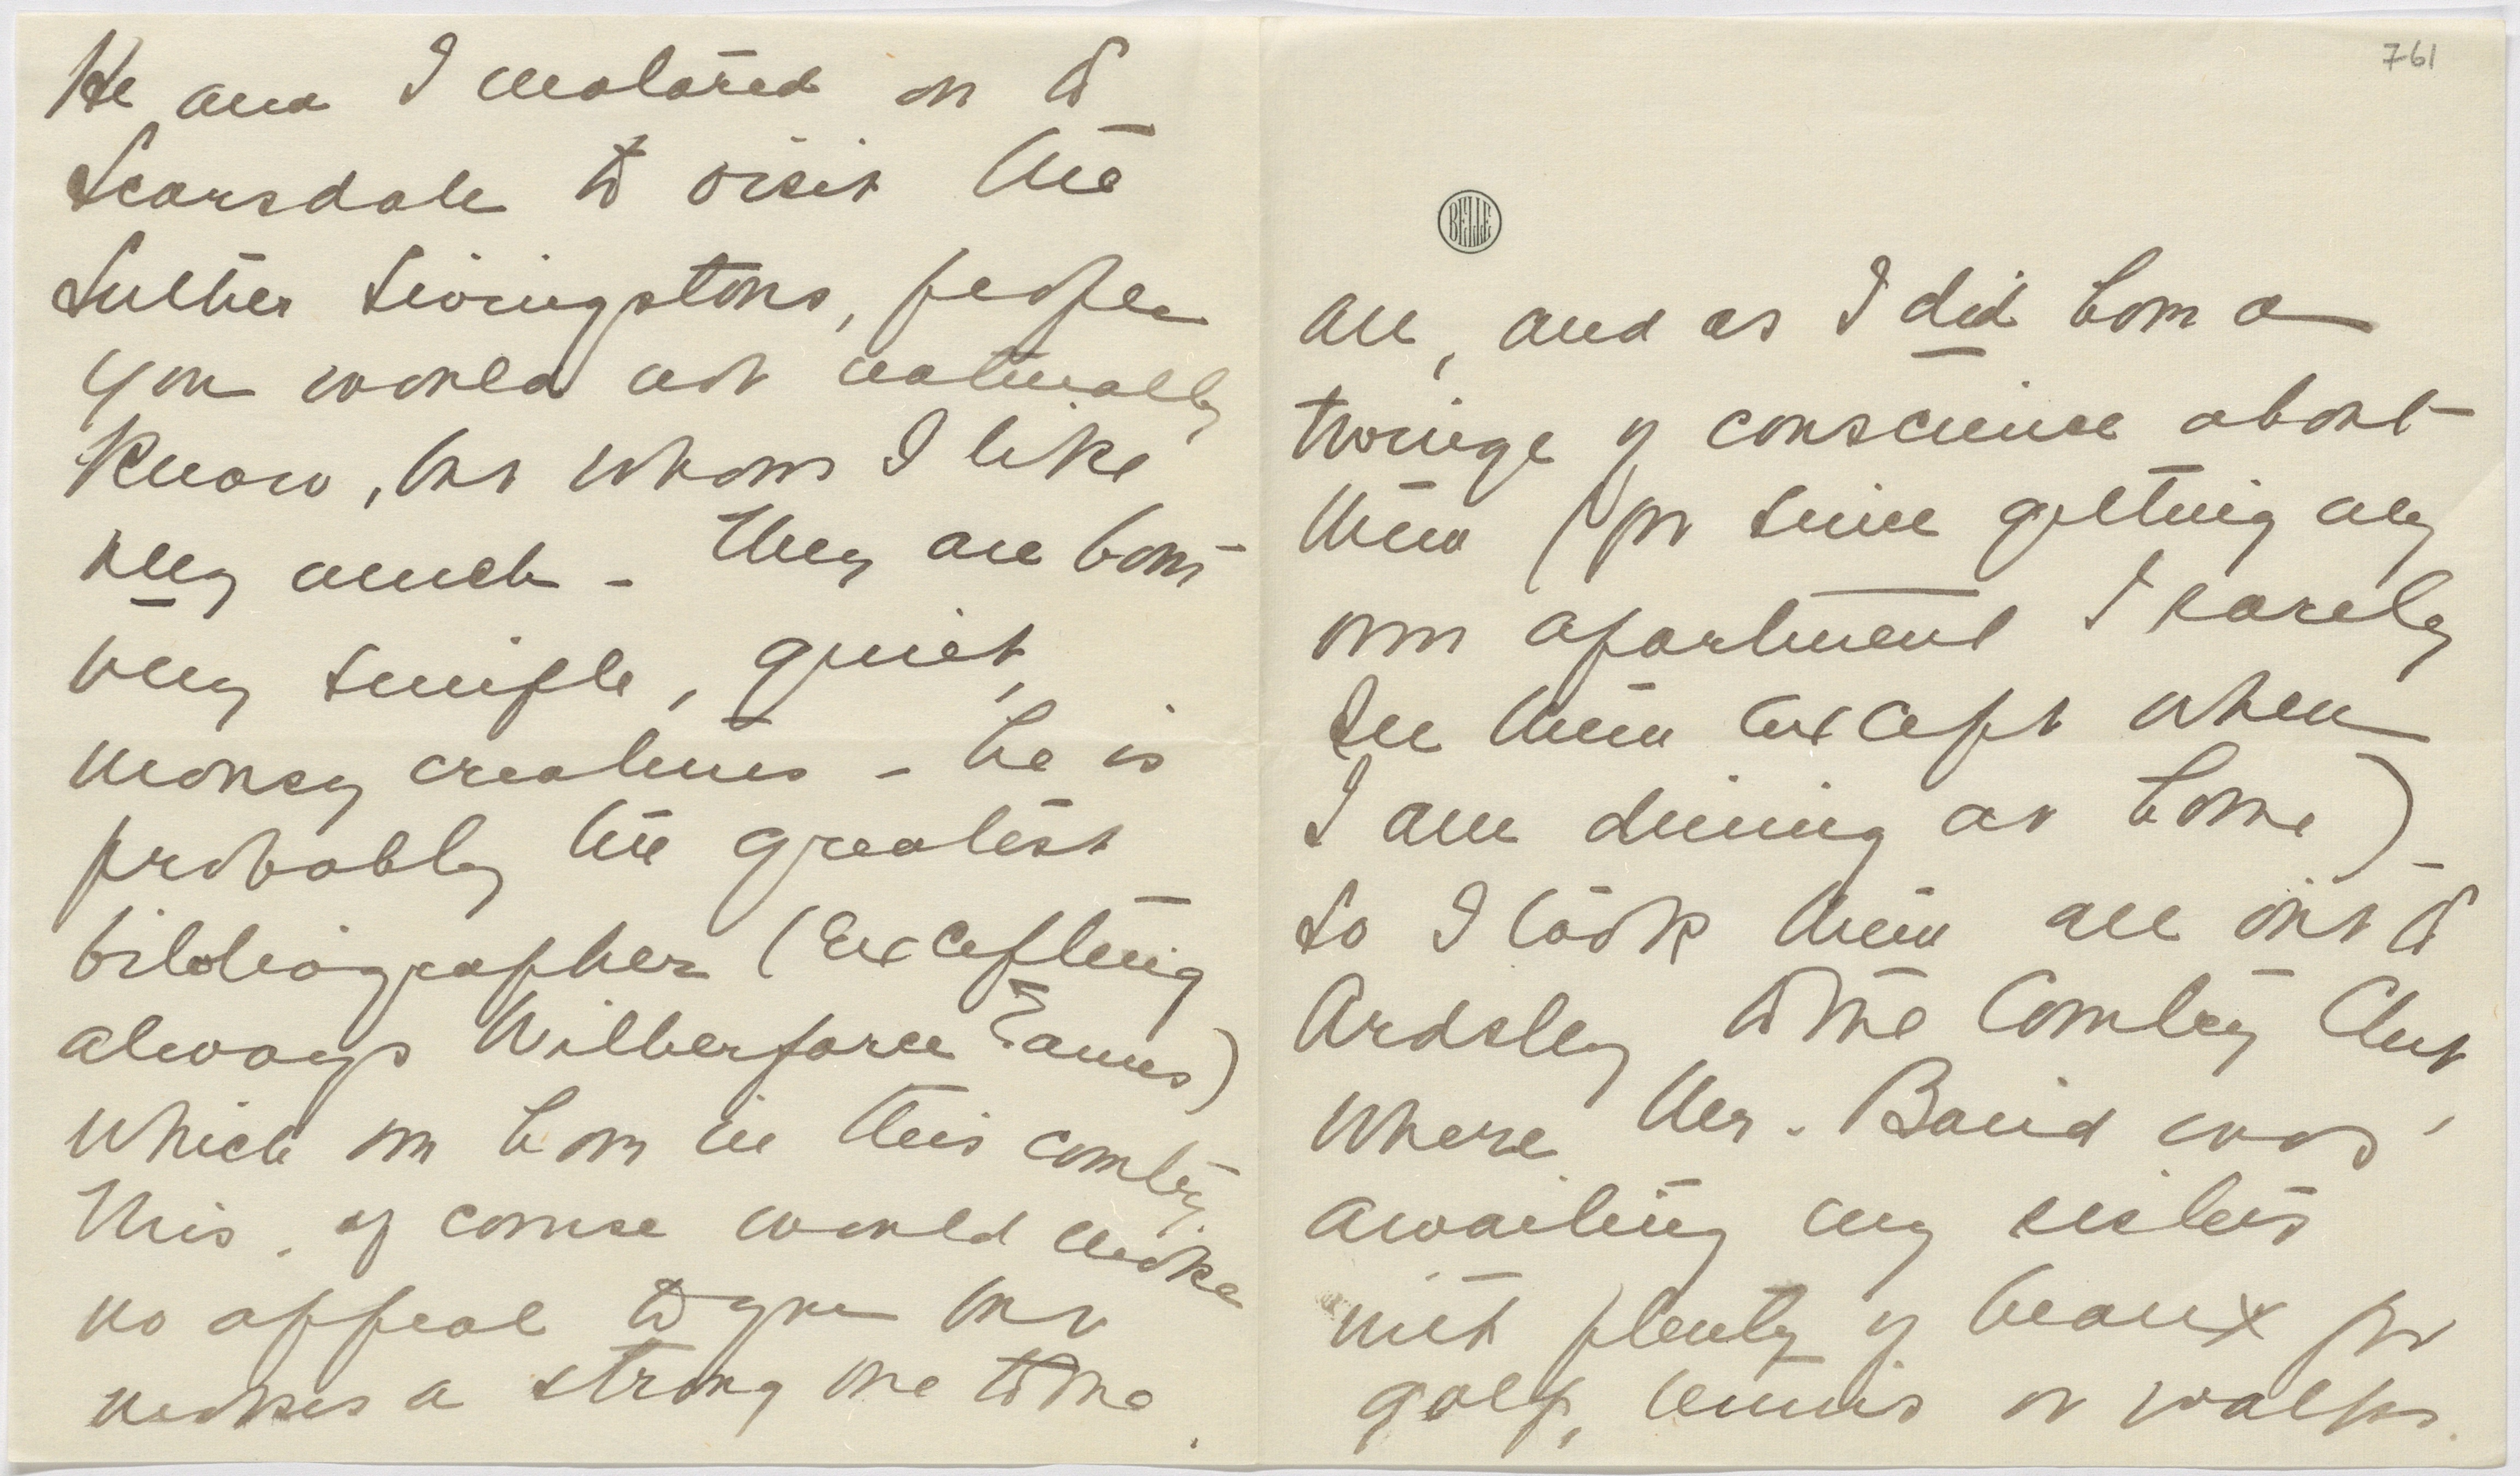all, and as I did have a twinge of conscience about them (for since getting my own apartment I rarely see them except when I am dining at home) – so I took them all out to Ardsley to the Country Club where Mr. Baird was awaiting my sisters with plenty of beaux for golf, tennis or walks.
He and I motored on to Scarsdale to visit the Luther Livingstons, people you would not naturally know, but whom I like very much – They are both very simple, quiet, mousy creatures – he is probably the greatest bibliographer (excepting always Wilberforce Eames) which we have in this country. This, of course would make no appeal to you but makes a strong one to me.